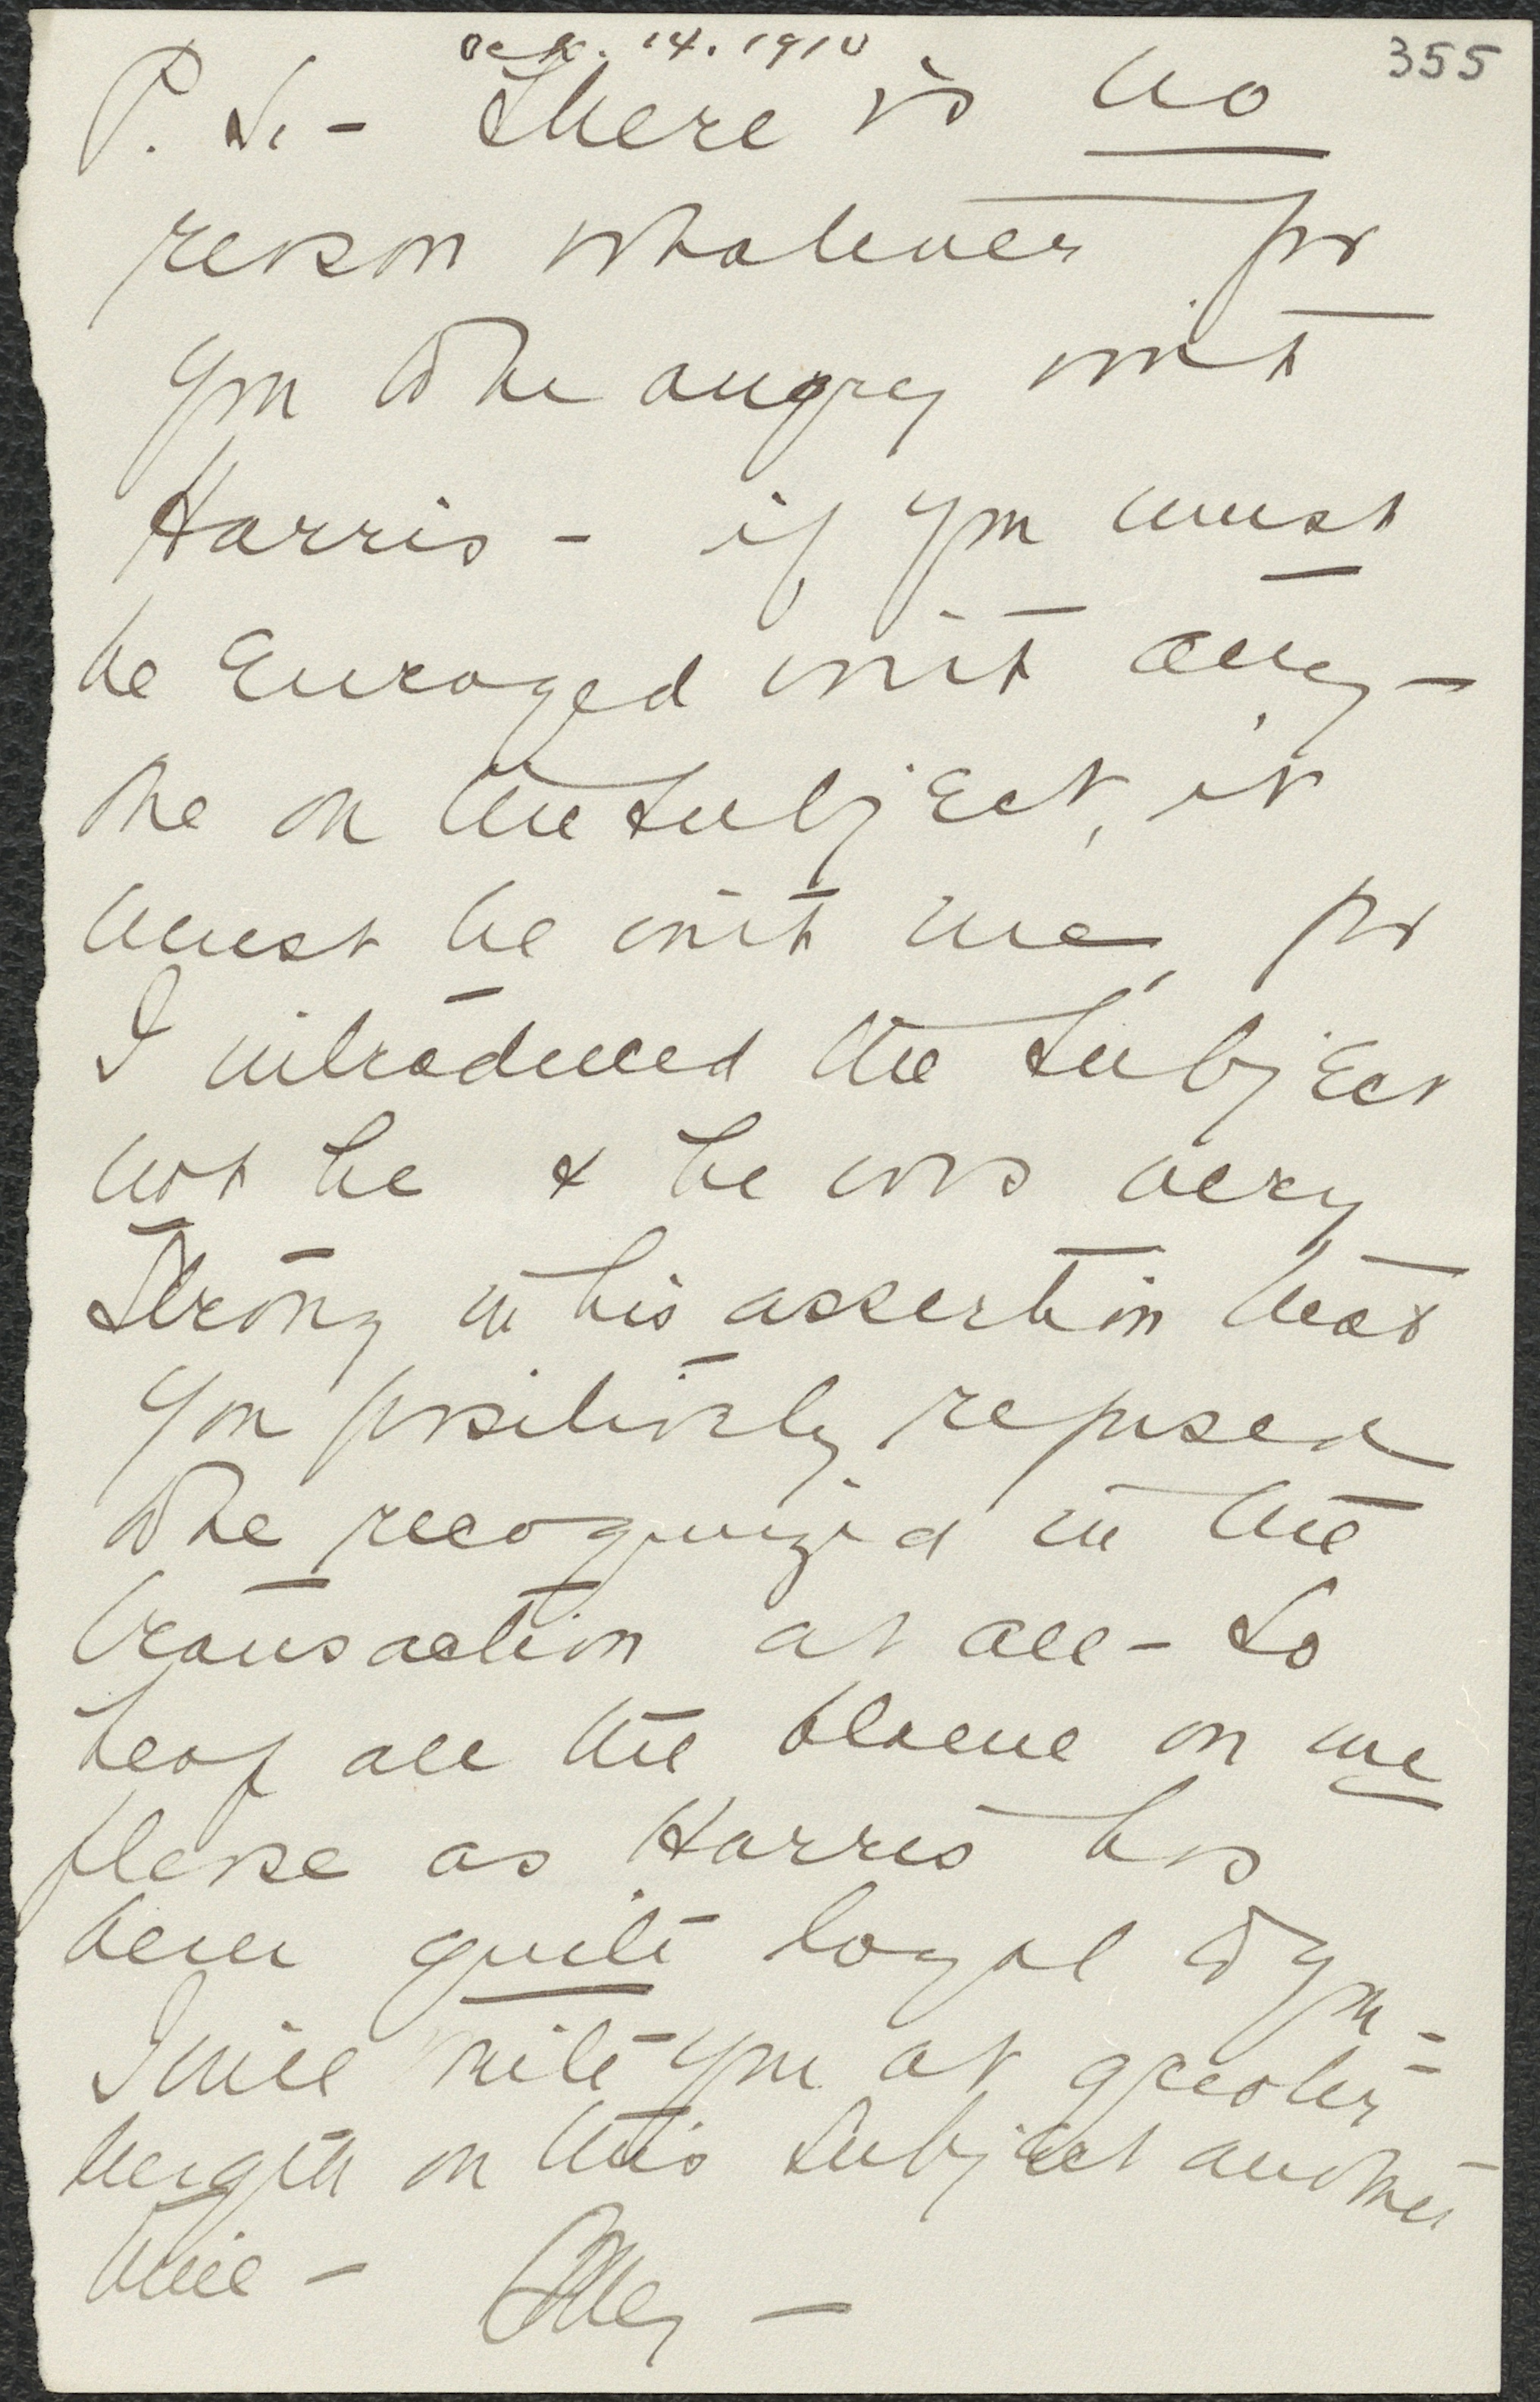P.S. There is no reason whatever for you to be angry with Harris – if you must be enraged with anyone on the subject, it must be with me, for I introduced the subject not he & he was very strong in his assertion that you positively refused to be recognized in the transaction at all – so heap all the blame on me please as Harris has been quite loyal to you –
I will write you at greater length on this subject another time –
Belle –